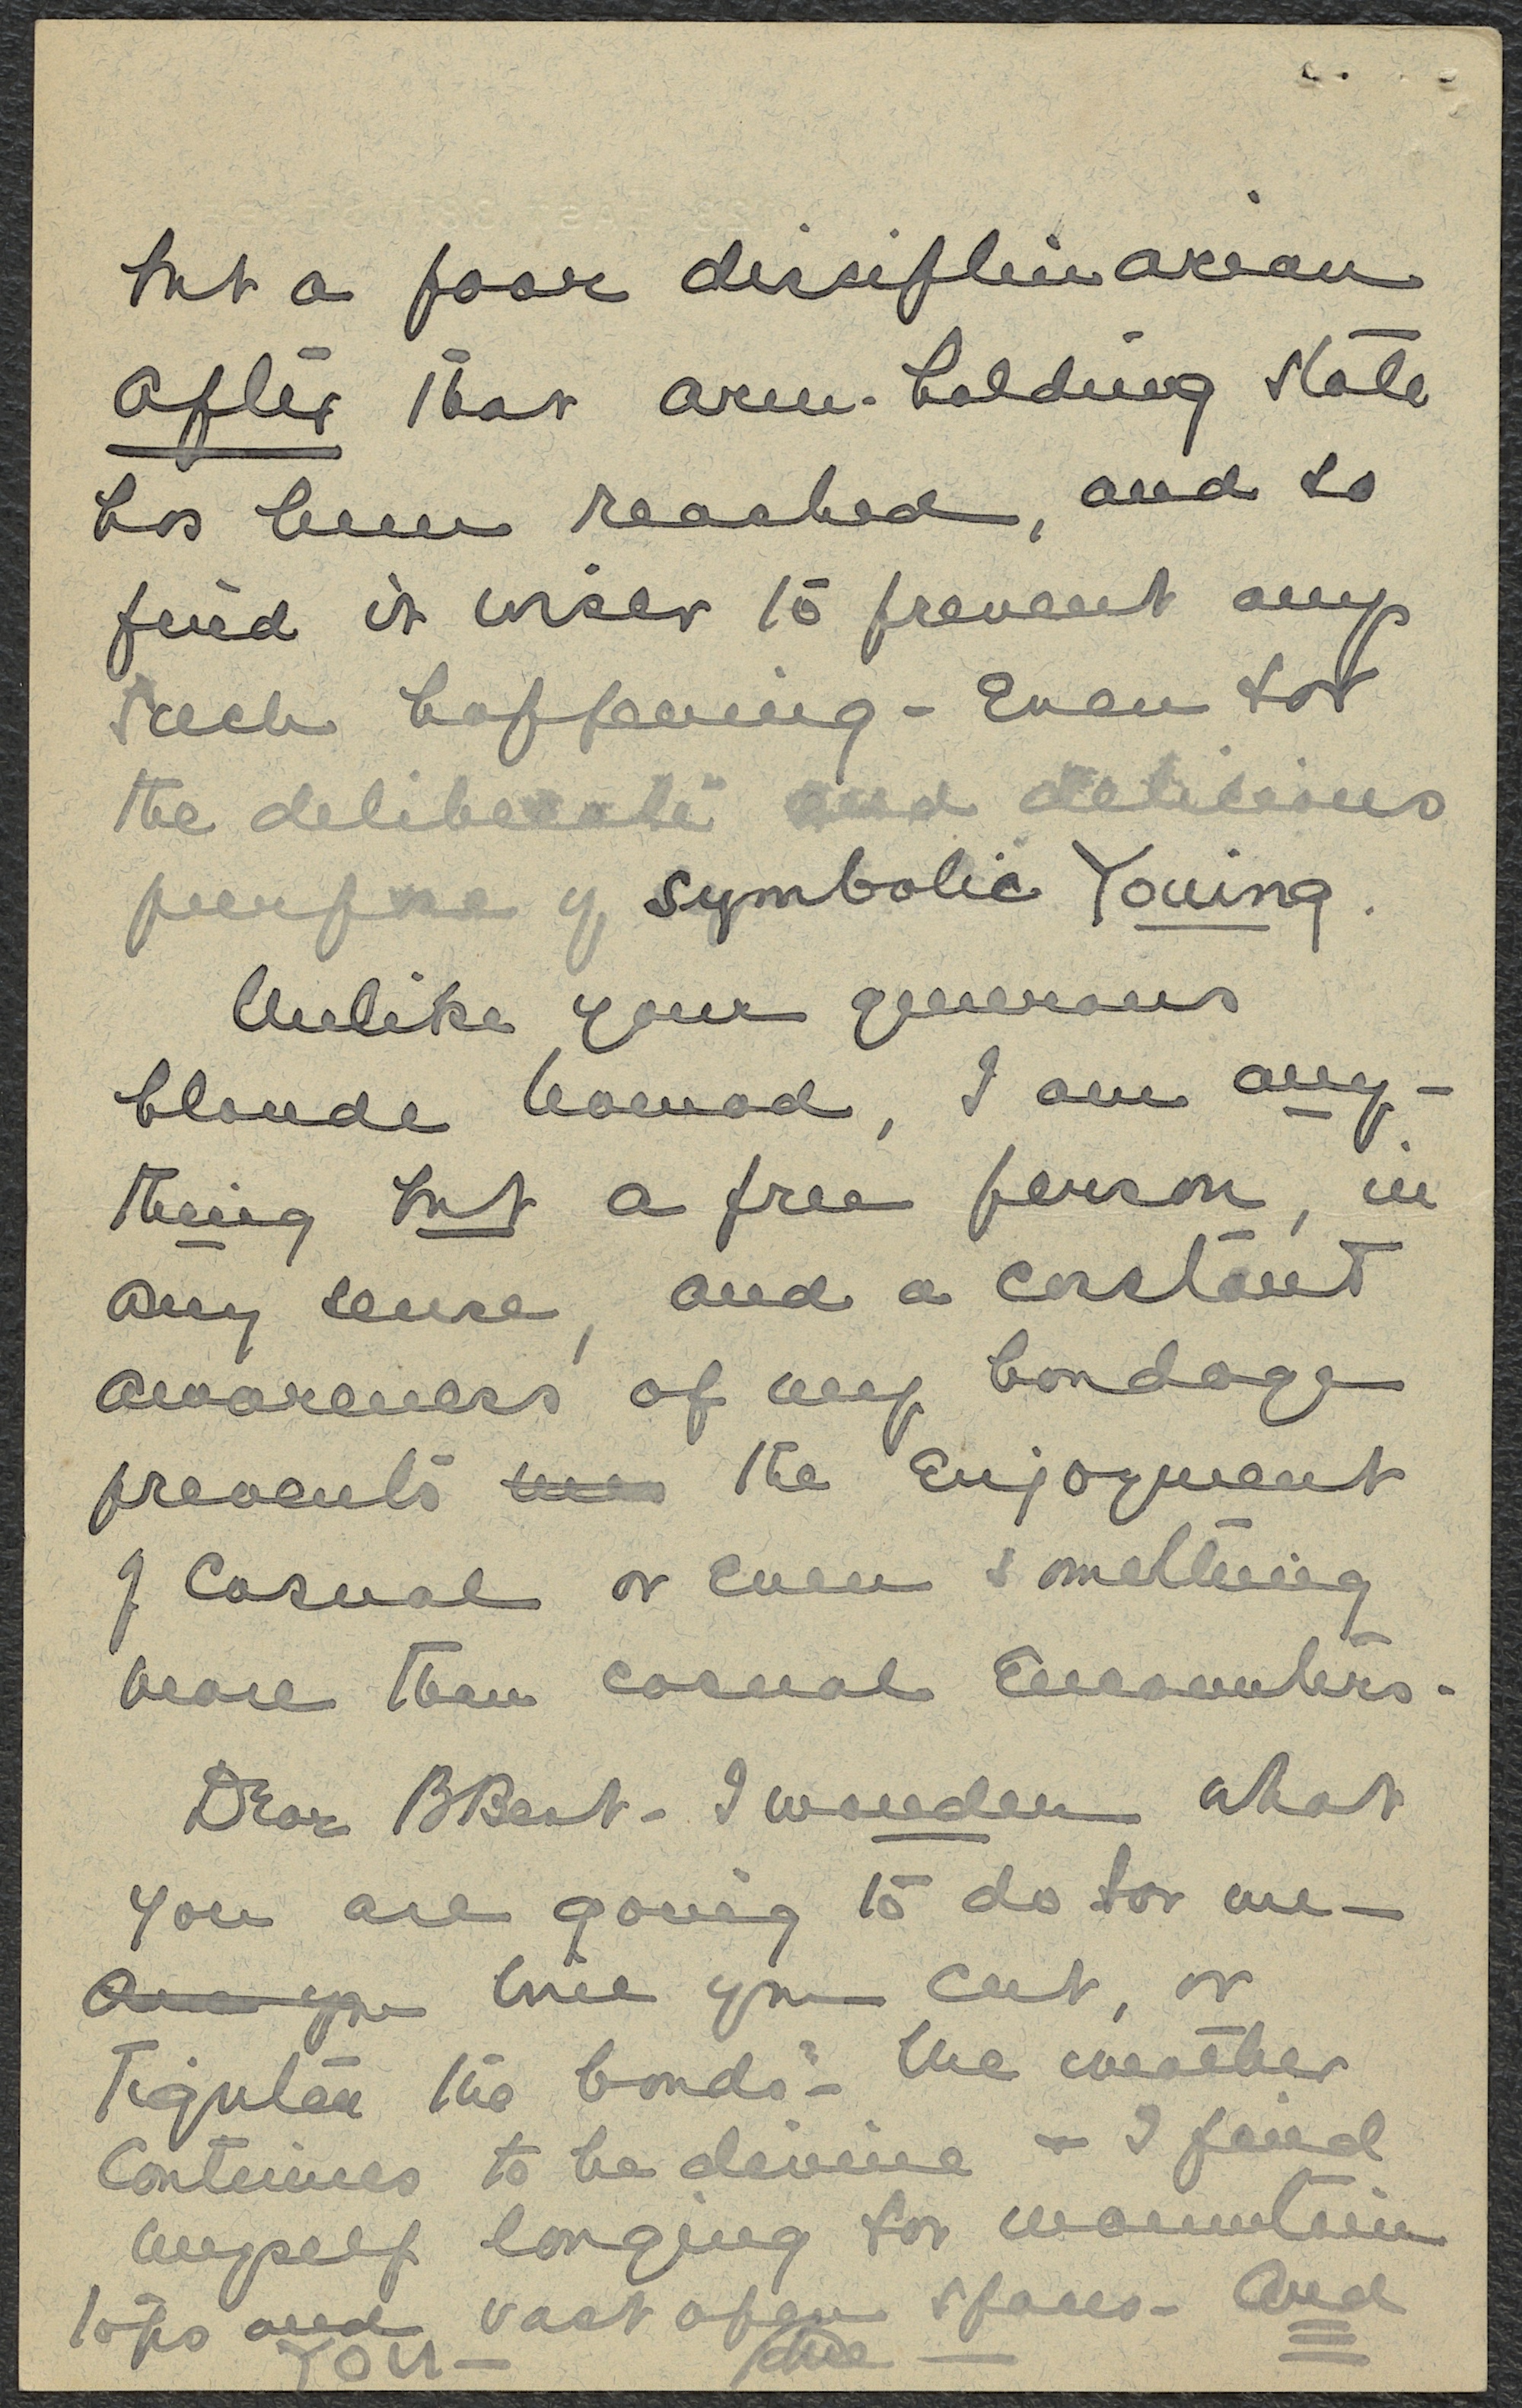but a poor disciplinarian after that arm-holding state has been reached, and so find it wiser to prevent any such happening – even for the deliberate and delicious purpose of symbolic Youing.
Unlike your generous blonde nomad, I am anything but a free person, in any sense, and a constant awareness of my bondage prevents me the enjoyment of casual or even something more than casual encounters – Dear BBest – I wonder what you are going to do for me – are you will you cut, or tighten the bonds? – the weather continues to be divine & I find myself longing for mountain tops and vast open spaces – [triple underlined: and] YOU – Belle –